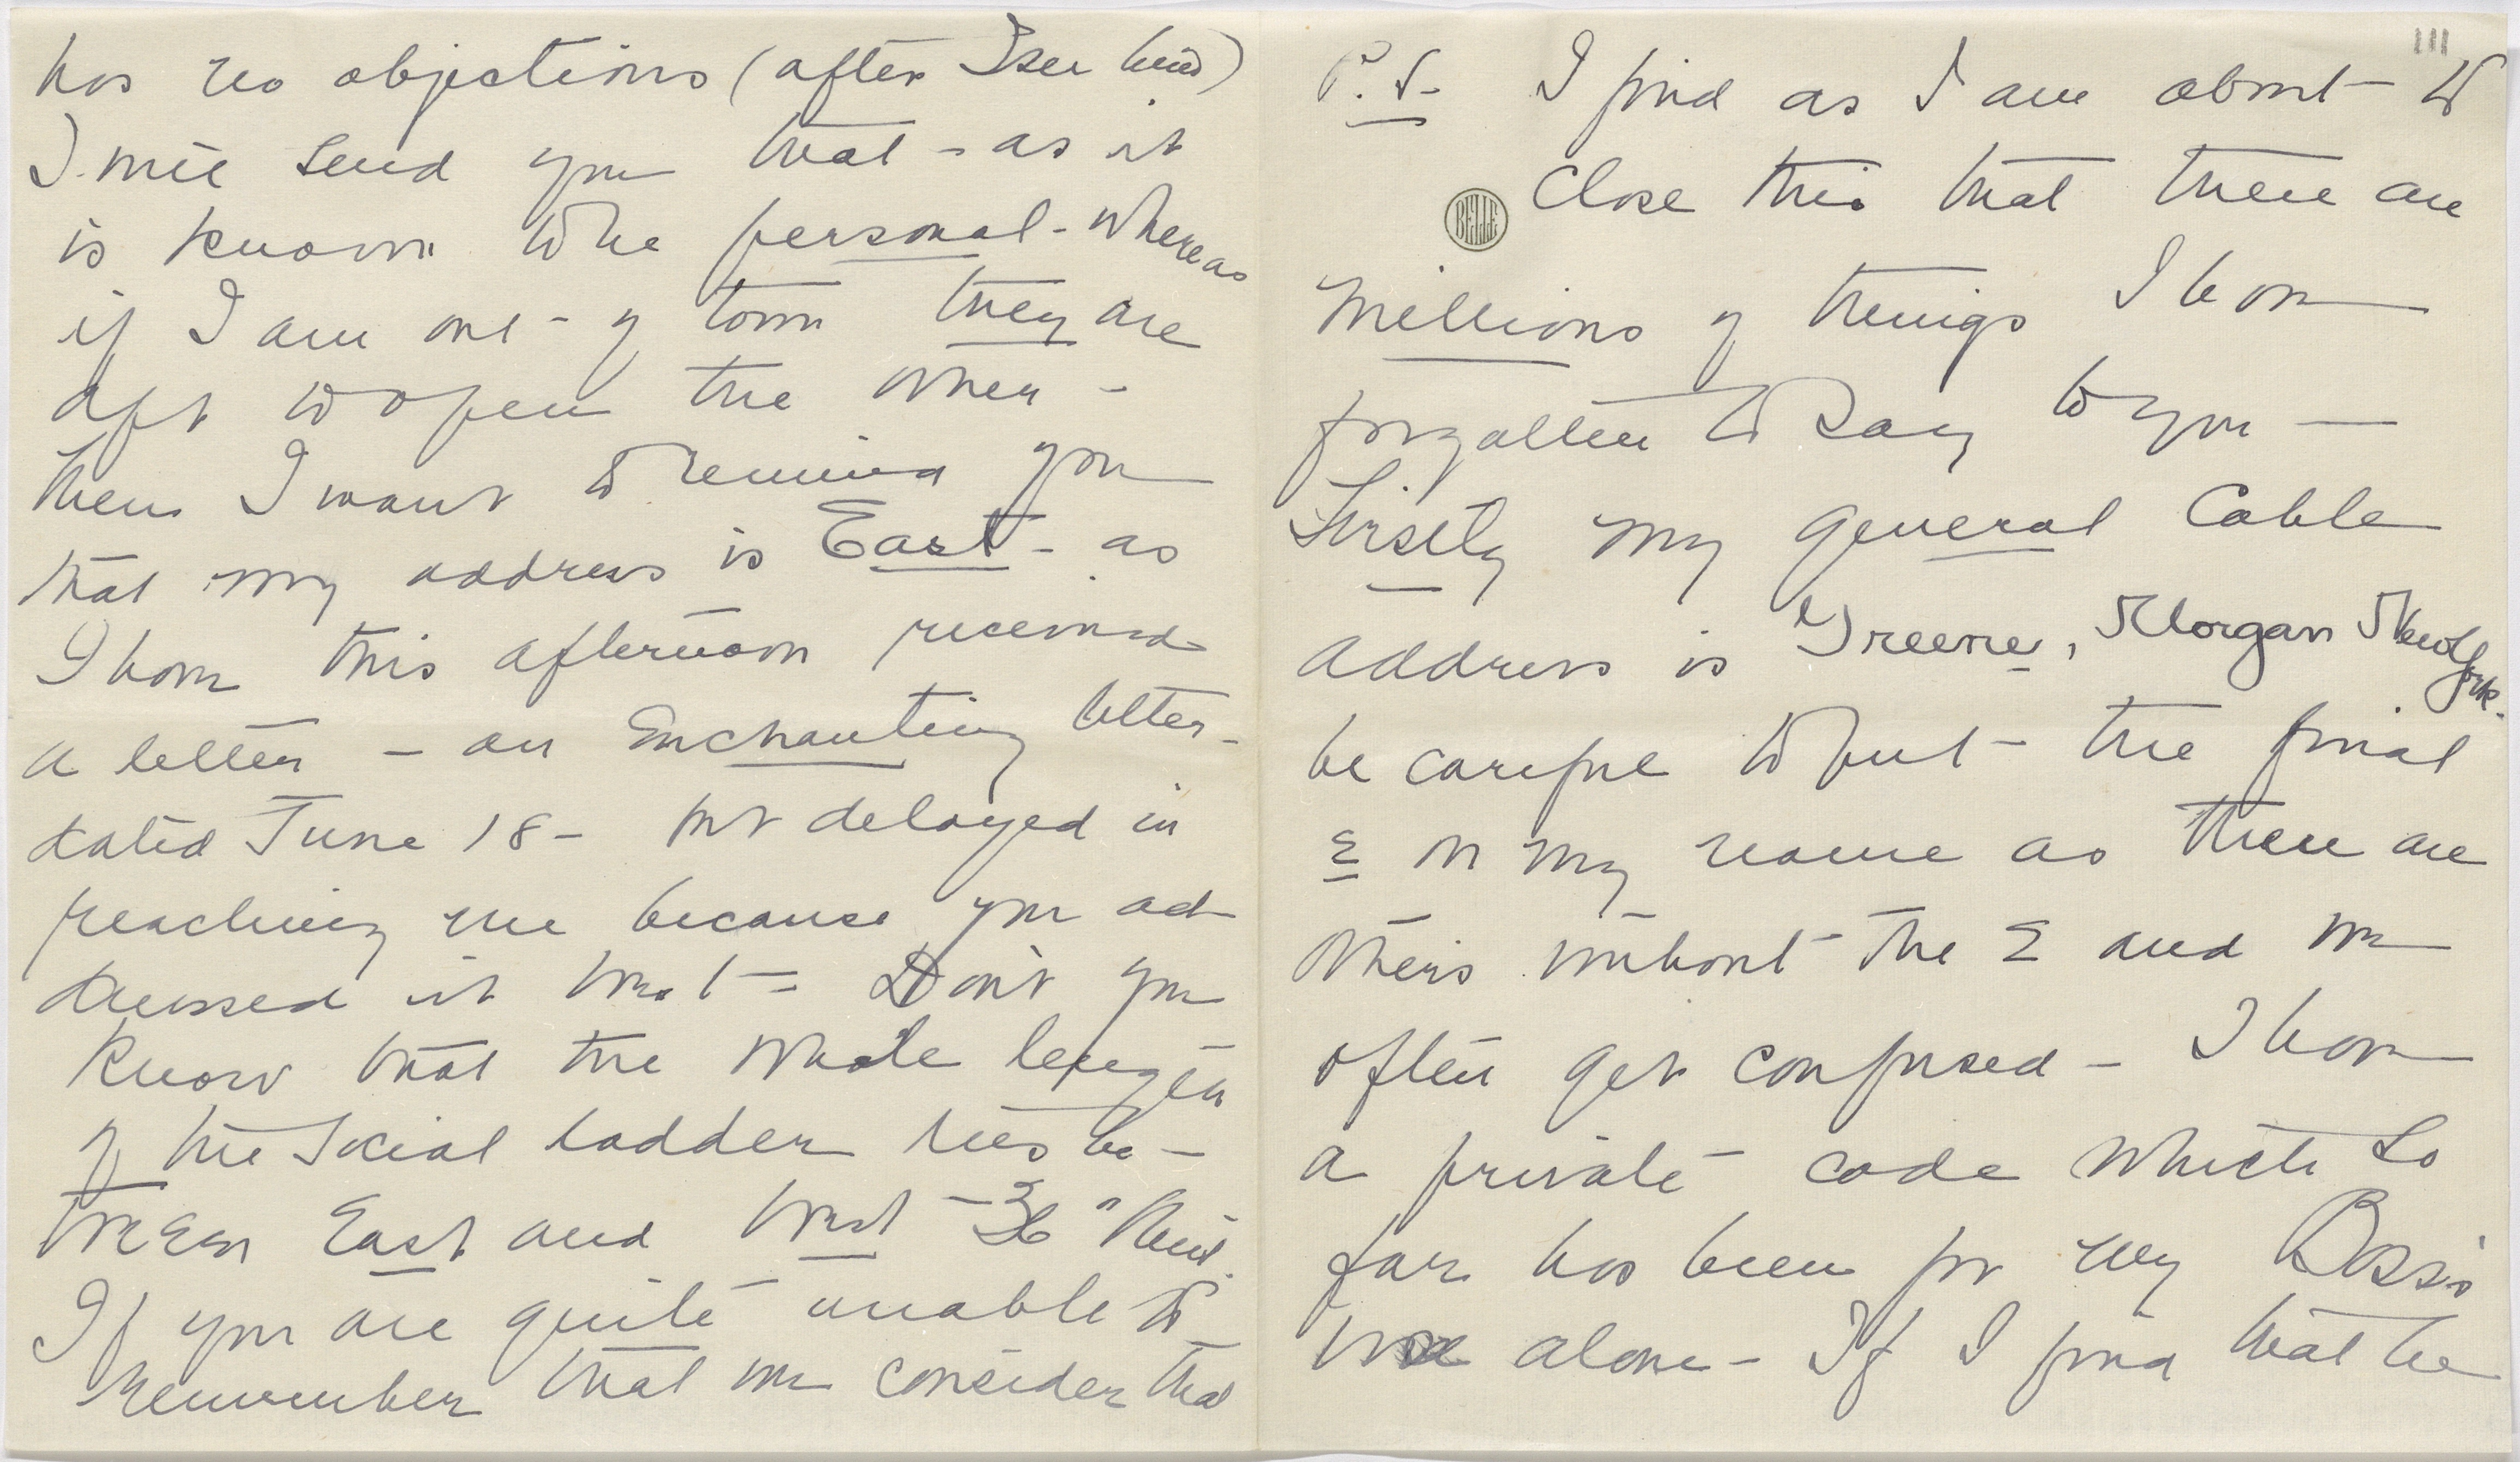P. S. I find as I am about to close this that there are millions of things I have forgotten to say to you – Firstly my general cable address is [in secretarial script: Greene, Morgan New York] – be careful to put the final E on my name as there are others without the E and we often get confused – I have a private code which so far has been for my Boss’s use alone – If I find that he
has no objections (after I see him) I will send you that – as it is known to be personal – whereas if I am out of town they are apt to open the other – then I want to remind you that my address is [in secretarial script: East] – as I have this afternoon received a letter – an enchanting letter – dated June 18 – but delayed in reaching me because you addressed it West – Don’t you know that the whole length of the social ladder lies between East and West 36th Street. If you are quite unable to remember that we consider that